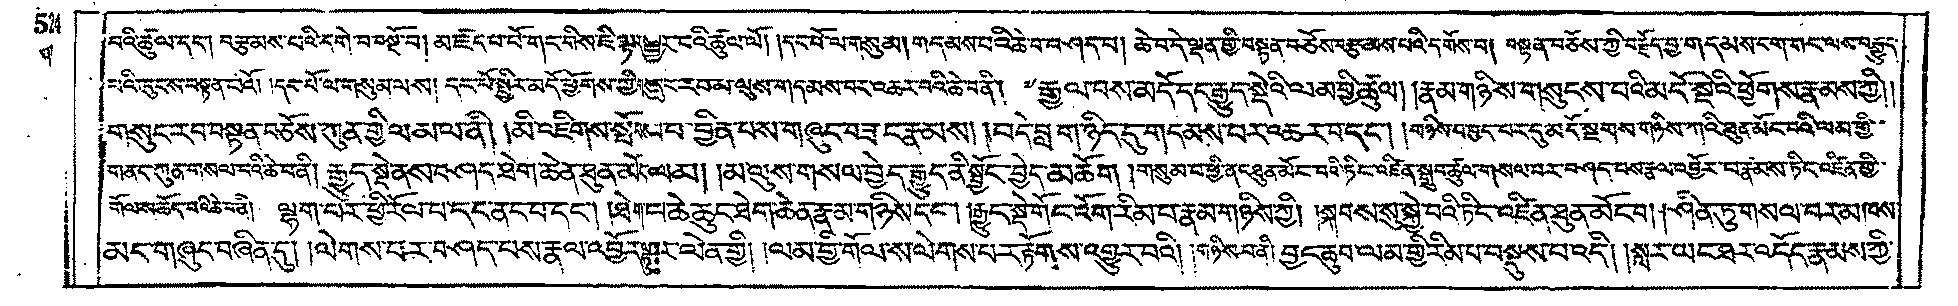པའི་ཚུལ་དང་། བརྩམས་པའི་དགེ་བ་བསྔོ་བ། མཛད་པ་པོ་གང་གིས་ཇི་ལྟར་སྦྱར་བའི་ཚུལ་ལོ། །དང་པོ་ལ་གསུམ། གདམས་པའི་ཆེ་བ་བཤད་པ། ཆེ་བ་དེ་ལྡན་གྱི་བསྟན་བཅོས་བརྩམས་པའི་དགོས་པ། བསྟན་བཅོས་ཀྱི་བརྗོད་བྱ་གདམས་ངག་གང་ལས་བརྒྱུད་
པའི་ཁུངས་བསྟན་པའོ། །དང་པོ་ལ་གསུམ་ལས། དང་པོ་སྤྱིར་མདོ་ཕྱོགས་ཀྱི་གསུང་རབ་མ་ལུས་གདམས་པར་འཆར་བའི་ཆེ་བ་ནི། ༧རྒྱལ་བས་མདོ་དང་རྒྱུད་སྡེའི་ལམ་གྱི་ཚུལ། །རྣམ་གཉིས་གསུངས་པའི་མདོ་སྡེའི་ཕྱོགས་རྣམས་ཀྱི། །
གསུང་རབ་བསྟན་བཅོས་ཀུན་གྱི་ལམ་ལ་ནི། །མི་འཇིགས་སྤོབས་པ་བྱིན་པས་གཞུང་བཟང་རྣམས། །བདེ་བླག་ཉིད་དུ་གདམས་པར་འཆར་བ་དང་། །གཉིས་པ་ཁྱད་པར་དུ་མདོ་སྔགས་གཉིས་ཀའི་ཐུན་མོང་བའི་ལམ་གྱི་
གནང་ཀུན་གསལ་བའི་ཆེ་བ་ནི། རྒྱུད་སྡེ་ནས་བཤད་ཐེག་ཆེན་ཐུན་མོང་ལམ། །མ་ལུས་གསལ་བྱེད་རྒྱུད་ནི་སྦྱོང་བྱེད་མཆོག །གསུམ་པ་ཕྱི་ནང་ཐུན་མོང་བའི་ཏིང་འཛིན་སྒྲུབ་ཚུལ་གསལ་བར་བཤད་པས་རྣལ་འབྱོར་པ་རྣམས་ཏིང་འཛིན་གྱི་
གོ་ལས་ཆོད་པའི་ཆེ་བ་ནི། ལྷག་པར་ཕྱི་རོལ་པ་དང་ནང་པ་དང་། །ཐེག་པ་ཆེ་ཆུང་ཐེག་ཆེན་རྣམ་གཉིས་དང་། །རྒྱུད་སྡེ་གོང་འོག་རིམ་པ་རྣམས་གཉིས་ཀྱི། །སྐབས་སུ་སྐྱེ་བའི་ཏིང་འཛིན་ཐུན་མོང་བ། །ཤིན་ཏུ་གསལ་བར་མཁས་
མང་གཞུང་བཞིན་དུ། །ལེགས་པར་བཤད་པས་རྣལ་འབྱོར་ལྷུར་ལེན་གྱི། །ལམ་གྱི་གོལ་ས་ལེགས་པར་རྟོགས་འགྱུར་བའི། །གཉིས་པ་ནི།  བྱང་ཆུབ་ལམ་གྱི་རིམ་པ་བསྡུས་པ་འདི། །སླར་ཡང་ཐར་འདོད་རྣམས་ཀྱི་